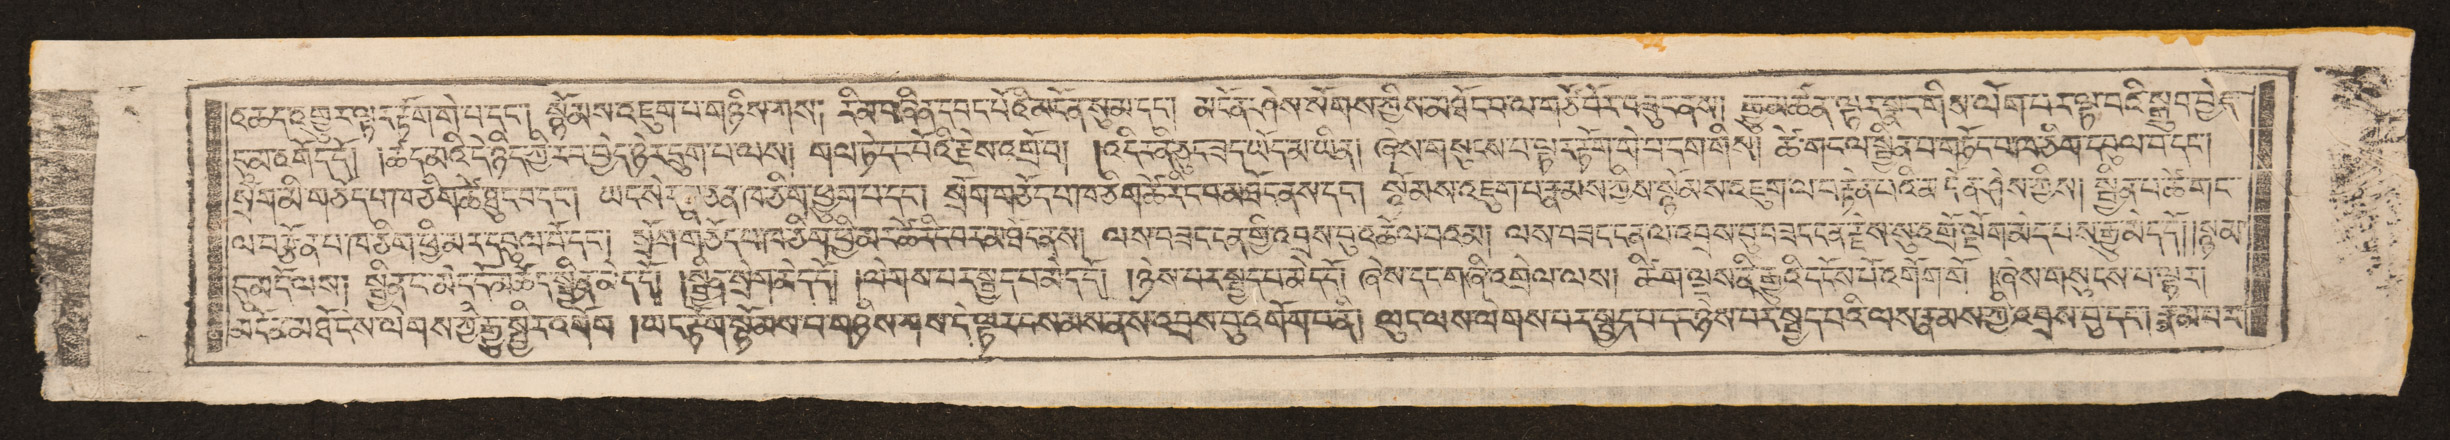འཆད་འགྱུར་ལྟར་རྟོག་གེ་པ་དང་། སྙོམས་འཇུག་པ་གཉིས་ཀས། རིམ་བཞིན་དབང་པོའི་མངོན་སུམ་དང་། མངོན་ཤེས་སོགས་ཀྱིས་མཐོང་བ་ལ་གཙོ་བོར་བཟུང་ནས། རྒྱུ་མཚན་ལྟར་སྣང་གིས་ལོག་པར་ལྟ་བའི་སྒྲུབ་བྱེད་
དུ་མ་འགོད་དོ། །ཚད་མའི་དེ་ཉིད་ཀྱི་རབ་བྱེད་ཉེར་དྲུག་པ་ལས། གལ་ཏེ་དང་པོའི་རྗེས་འགྲོ་བ། །འདིར་ནི་ཅུང་ཟད་ཡོད་མ་ཡིན། ཞེས་གསུངས་པ་ལྟར་རྟོག་གེ་བདག་གིས། ཚེ་གང་ལ་སྦྱིན་པ་གཏོང་བ་ཁ་ཅིག་དབུལ་བ་དང་།
སྲོག་མི་གཅོད་པ་ཁ་ཅིག་ཚེ་ཐུང་བ་དང་། ཡང་སེར་སྣ་ཅན་ཁ་ཅིག་ཕྱུག་པ་དང་། སྲོག་གཅོད་པ་ཁ་ཅིག་ཚེ་རིང་བ་མཐོང་ནས་དང་། སྙོམས་འཇུག་པ་རྣམས་ཀྱིས་སྙོམས་འཇུག་ལ་བརྟེན་པའི་མངོན་ཤེས་ཀྱིས། སྦྱིན་པ་ཚེ་གང་
ལ་བརྩོན་པ་ཁ་ཅིག་ཕྱི་མར་དབུལ་པོ་དང་། སྲོག་གཅོད་པ་ཁ་ཅིག་ཕྱི་མར་ཚེ་རིང་བར་མཐོང་ནས། ལས་བཟང་ངན་གྱི་འབྲས་བུ་འཚོལ་བའམ། ལས་བཟང་ངན་ལ་འབྲས་བུ་བཟང་ངན་རྗེས་སུ་འགྲོ་ལྡོག་མེད་པས་རྒྱུ་མེད་དོ། །སྙམ་
དུ་མདོ་ལས། སྦྱིན་པ་མེད་དོ་མཆོད་སྦྱིན་མེད་དོ། །སྦྱིན་སྲེག་མེད་དོ། །ལེགས་པར་སྤྱད་པ་མེད་དོ། །ཉེས་བར་སྤྱད་པ་མེད་དོ། ཞེས་དང་གཞི་འགྲེལ་ལས། ཚིག་ལྔས་ནི་རྒྱུའི་དངོས་པོ་འགོག་གོ །ཞེས་གསུངས་པ་ལྟར།
མངོན་མཐོངས་ལེགས་ཀྱི་རྒྱུ་སྤྱིར་འགོག །ཡང་རྟོག་སྙོམས་པ་གཉིས་ཀས་དེ་ལྟར་བསམས་ནས་འབྲས་བུ་འགོག་པ་ནི། ལུང་ལས་ལེགས་པར་སྤྱད་པ་དང་ཉེས་པར་སྤྱད་པའི་ལས་རྣམས་ཀྱི་འབྲས་བུ་དང་། རྣམ་པར་